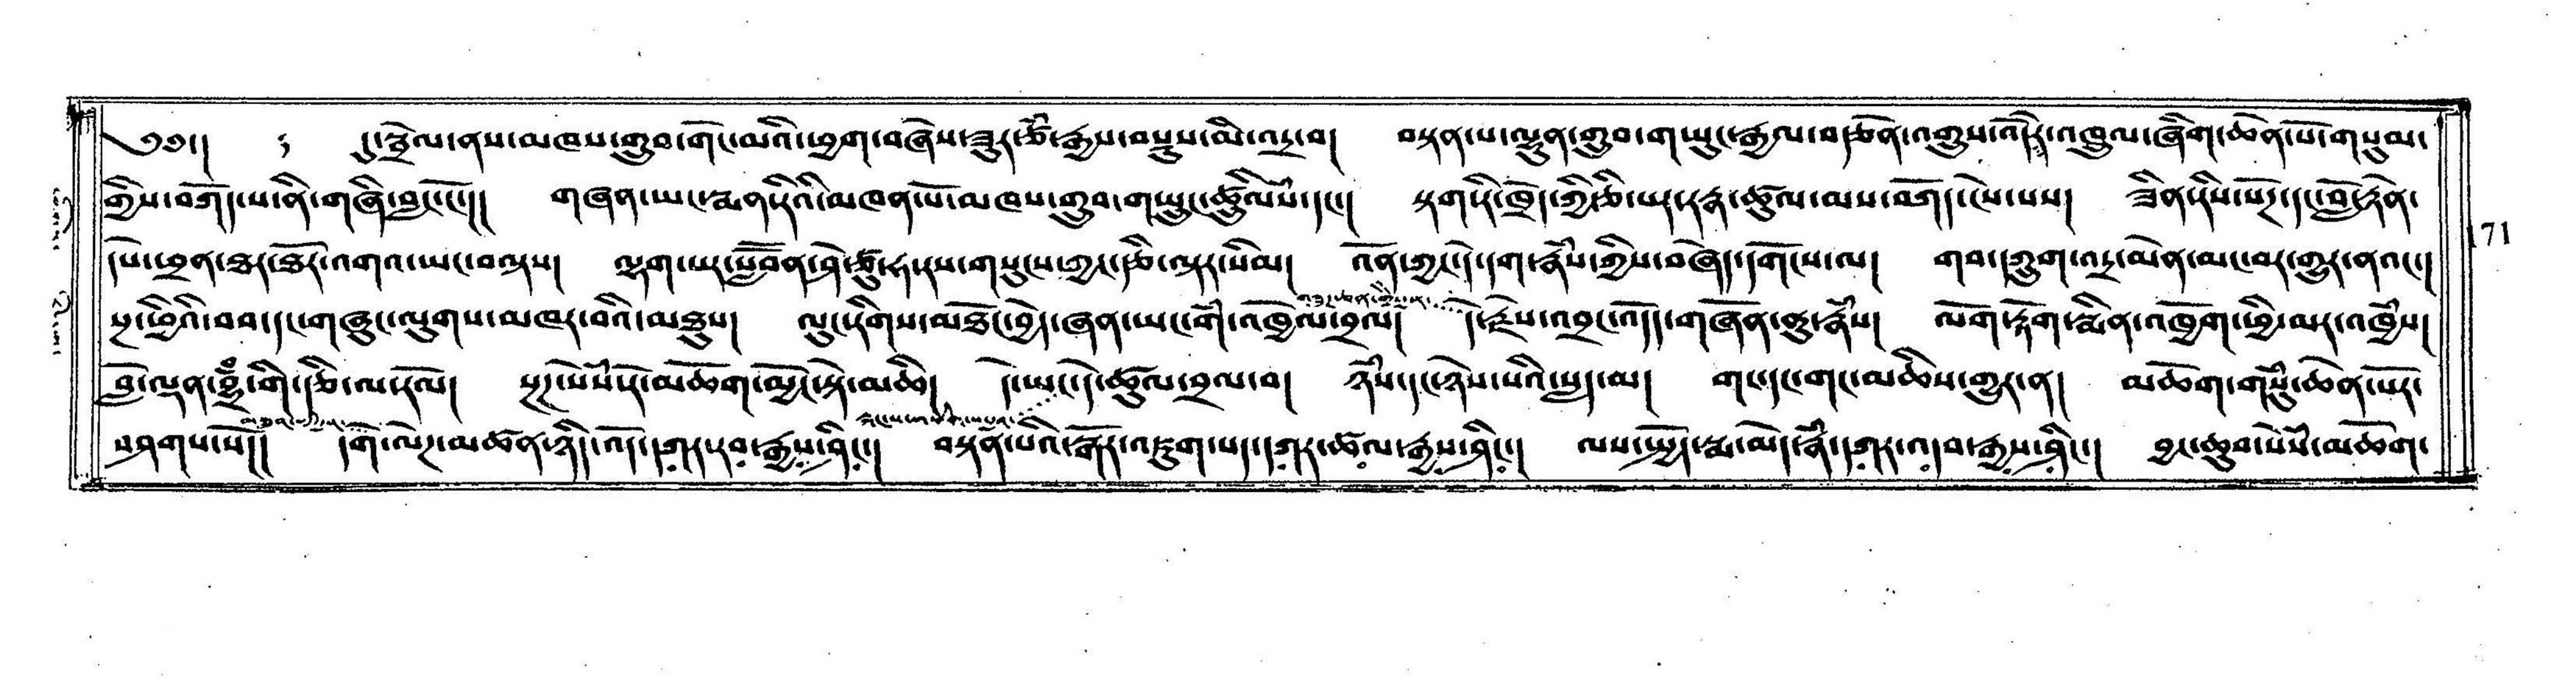དུ་སྦྲེལ་ནས་མཁས་གྲུབ་གོང་མའི་ཕྱག་བཞེས་ཟུར་ཙམ་རྒྱས་བསྡུས་མི་འདྲ་བ། བསྟན་པ་ལྷུན་གྲུབ་གཡུང་རྒྱལ་བརྩོན་འགྲུས་འོད་ཟེར་འཁྲུལ་ཞིག་ཆེན་པོ་གསུམ་
གྱིས་བཀོད་པ་ནི་གཞི་བླང་ངོ་།། གཞན་ཡང་སྨན་རིའི་མཁན་པོ་མཁས་གྲུབ་གཡུང་དྲུང་ཚུལ་ཁྲིམས་དང་། སྟག་རི་ཁྲོད་ཀྱི་ཅི་པར་རཏྣ་ཚུལ་མིས་བཀོད་ངེས་པས། ཟིན་རིས་སོགས་དང་བློ་རྟེན་
དཔེ་ཕྲན་ཐར་ཐོར་འགའ་ཡང་བལྟས། ལྷག་པར་སློབ་དཔོན་ཤེ་ཙུ་ཧ་རས་གསུངས་ཀྱང་རྩི་ལྟར་སིམ། འོན་ཀྱང་དེ་དག་རྣམས་ཀྱིས་བཞེད་དགོངས་ལ། གབ་དཀྲུག་འདྲ་མེན་མང་བར་གྱུར་ནའང་། 
སྔ་ཕྱིའི་བབས་དང་གཞུང་ལུགས་མཁར་བའི་མཐུས། ལུང་རིགས་མཐོང་བྱེད་ཞན་ཡང་གམ་འཁྱོལ་བྲལ། (གཟུགས་ཅན་གྱི་རྒྱན་)། དེ་རྗེས་འབྲང་འདོད་གཞོན་ནུ་རྣམས། ལོག་རྟོག་སྨིན་འཁྱོག་ཕྱི་མར་འཁྱམས། 
བློ་ལྡན་སྦྲང་གི་རྩི་ལ་རོལ། སྔགས་སེམས་རོ་མཆོག་མྱོང་སྟེ་མཆི། དེ་ཡང་(རྐང་པ་གཅིག་པ་རྒྱན)་དེ་ཚུལ་བྲལ་བ། ཉམས་དང་ཉེས་པའི་སླད་མ། གང་དང་གང་མཆིས་གྱུར་ན། མཆོག་གསུམ་ཆེན་པོར་
བཤགས་སོ།། (མཐུན་པའི་རྒྱན)། དགེ་ལེགས་མཚན་ཉིད་འོད་དཀར༷་རབ༷་རྒྱས༷་ཤིང༷་། བསྟན་པའི་སྒོར་འཇུག་པད་དཀར༷་ཚལ༷་རྒྱས༷་ཤིང༷་། ལས་སྤྱོད་སྨ་མེད་རྣམ་དཀར༷་འདབ༷་རྒྱས༷་ཤིང༷་། བྱང་ཆུབ་སེམས་མཆོག་